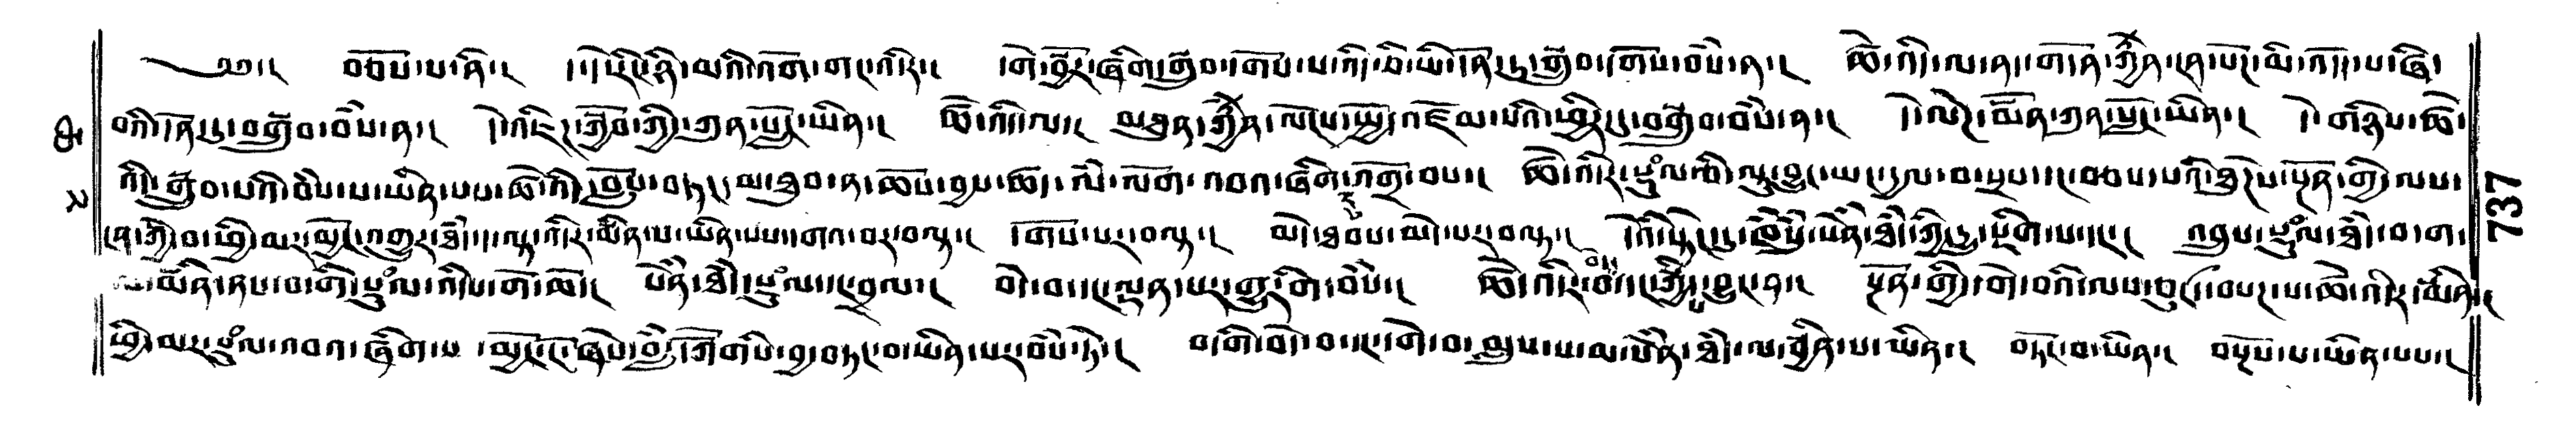བཅོས་པ་ནི། ད་དེ་རིང་ཉི་མའི་ ( འགོ་ ? ) འོག་གང་འདིར། དགེ་སྦྱོར་ཞིག་སྒྲུབ་དགོས་པ་འདི་ཅི་ཡི་དོན་དུ་སྒྲུབ་དགོས་བསམ་ན། ཚེ་འདི་ལ་ནད་གདོན་རྐྱེན་ངན་སོགས་མི་འདོད་པ་ཞི་
བའི་དོན་དུ་བསྒྲུབ་བསམ་ན། དེ་འཇིགས་སྐྱོབ་ཀྱི་ཀུན་སློང་ཡིན། ཚེ་འདི་ལ། མཐུན་རྐྱེན་ལོངས་སྤྱོད་འཛོམ་པའི་ཕྱིར་དུ་བསྒྲུབ་བསམ་ན། དེ་ལེགས་སྨོན་ཀུན་སློང་ཡིན། དེ་གཉིས་ཚེ་
འདི་སྒྲུབ་པའི་བསམ་པ་ཡིན་པས་ཚེ་འདི་བློས་བཏང་མ་ཐུབ་ན་ཆོས་བྱས་ཚད་ལམ་ལོག་འབའ་ཞིག་དུ་འགྲོ་བས། ཚེ་འདིར་སྡུག་བསྔལ་ཅི་ལྟ་བུ་བྱུང་ཡང་རྒྱལ་བ་སྲས་དང་བཅས་པའི་ཐུགས་རྗེས་སྔོན་གྱི་ལས་
ངན་སྐྱེ་བ་ཕྱི་མར་མྱོང་འགྱུར་ཐམས་ཅད་ད་ལྟ་འདིར་སྨིན་པ་ཡིན་པས་དགའ་བར་བལྟ། དགོས་པར་བལྟ། མེད་ཐབས་མེད་པར་བལྟ། དེའི་སྟེང་དུ་ཁམས་སུམ་སེམས་ཅན་ཐམས་ཅད་ཀྱི་རྒྱུ་སྡིག་པ་དང་།འབྲས་བུ་སྡུག་བསྔལ་ཐམས་ཅད་བདག་
ལ་སྨིན་ནས་བདག་གི་སྡུག་བསྔལ་འདིས་གོ་ཆོད། སེམས་ཅན་ཐམས་ཅད་སྡུག་བསྔལ་དང་བྲལ། བདེ་བ་དང་ལྡན་པར་གྱུར་ཅིག་བསམ། ཚེ་འདིར་བདེ་བ་དང་སྐྱིད་པ་བྱུང་ན། སྔོན་གྱི་དགེ་བའི་ལས་ཅུང་ཟད་བསགས་པ་ཚེ་འདིར་སྨིན། 
ཕྱི་མར་སྡུག་བསྔལ་འབའ་ཞིག་པ་མྱོང་ངོ་ཞེས་བླ་མ་དཀོན་མཆོག་གིས་བྱ་བཏང་བ་ཡིན་པར་བསམ་སྟེ། བདག་གི་བདེ་དང་དགེ་བ་མ་ལུས་པ་མ་སེམས་ཅན་ཐམས་ཅད་ལ་སྦྱིན་པ་ཡིན། བཏོང་བ་ཡིན། བསྔོས་པ་ཡིན་པས།